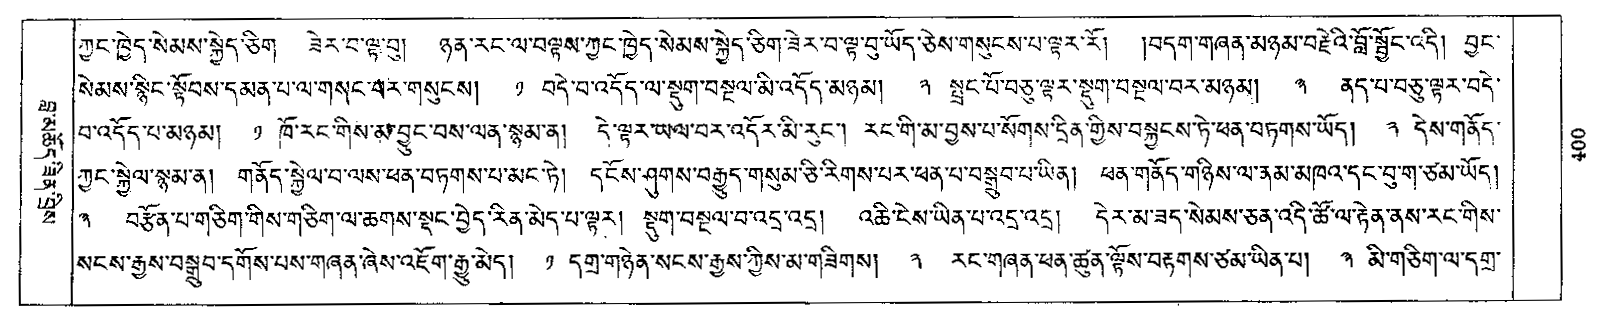ཀྱང་ཁྱེད་སེམས་སྐྱེད་ཅིག་ཟེར་བ་ལྟ་བུ། ཉན་རང་ལ་བལྟས་ཀྱང་ཁྱེད་སེམས་སྐྱེད་ཅིག་ཟེར་བ་ལྟ་བུ་ཡོད་ཅེས་གསུངས་པ་ལྟར་རོ། །བདག་གཞན་མཉམ་བརྗེའི་བློ་སྦྱོང་འདི། བྱང་
སེམས་སྙིང་སྟོབས་དམན་པ་ལ་གསང་བར་གསུངས། ༡་བདེ་བ་འདོད་ལ་སྡུག་བསྔལ་མི་འདོད་མཉམ། ༢་སྤྲང་པོ་བཅུ་ལྟར་སྡུག་བསྔལ་བར་མཉམ། ༣་ནད་པ་བཅུ་ལྟར་བདེ་
བ་འདོད་པ་མཉམ། ༡་ཁོ་རང་གིས་མ་བྱུང་བས་ལན་སྙམ་ན། དེ་ལྟར་ཡལ་བར་འདོར་མི་རུང་། རང་གི་མ་བྱས་པ་སོགས་དྲིན་གྱིས་བསྐྱངས་ཏེ་ཕན་བཏགས་ཡོད། ༢་དེས་གནོད་
ཀྱང་སྐྱེལ་སྙམ་ན། གནོད་སྐྱེལ་བ་ལས་ཕན་བཏགས་པ་མང་ཏེ། དངོས་ཤུགས་བརྒྱུད་གསུམ་ཅི་རིགས་པར་ཕན་པ་བསྒྲུབ་པ་ཡིན། ཕན་གནོད་གཉིས་ལ་ནམ་མཁའ་དང་བུ་ག་ཙམ་ཡོད།
༣་བརྩོན་པ་གཅིག་གིས་གཅིག་ལ་ཆགས་སྡང་བྱེད་རིན་མེད་པ་ལྟར། སྡུག་བསྔལ་བ་འདྲ་འདྲ། འཆི་ངེས་ཡིན་པ་འདྲ་འདྲ། དེར་མ་ཟད་སེམས་ཅན་འདི་ཚོ་ལ་རྟེན་ནས་རང་གིས་
སངས་རྒྱས་བསྒྲུབ་དགོས་པས་གཞན་ཞེས་འཇོག་རྒྱུ་མེད། ༡་དགྲ་གཉེན་སངས་རྒྱས་ཀྱིས་མ་གཟིགས། ༢་རང་གཞན་ཕན་ཚུན་ལྟོས་བརྟགས་ཙམ་ཡིན་པ། ༣་མི་གཅིག་ལ་དགྲ་